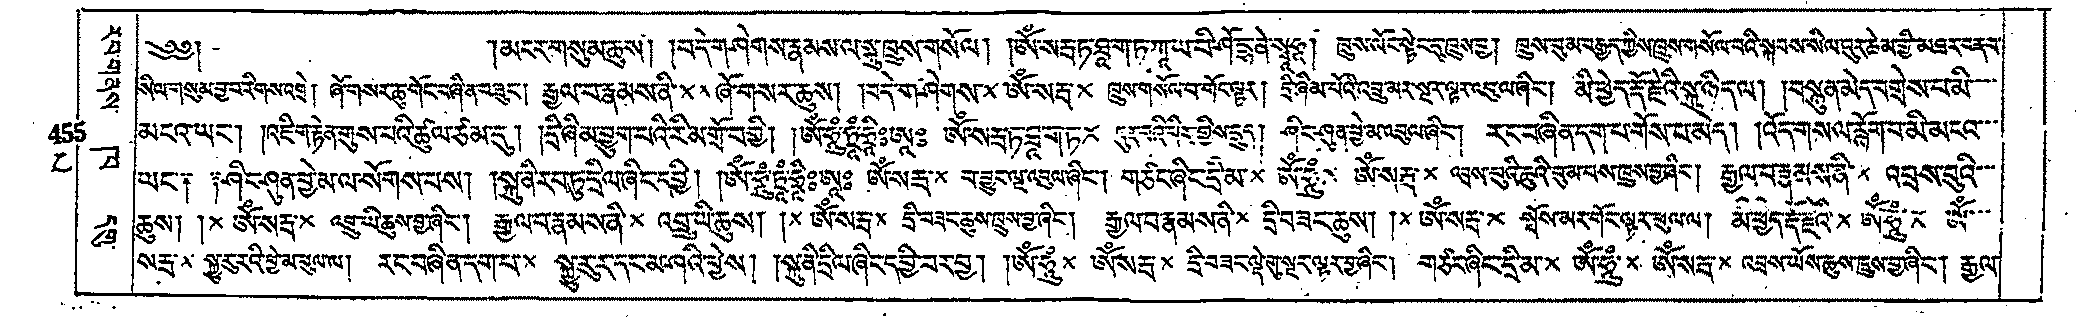༄༅། །མངར་གསུམ་ཆུས། །བདེ་གཤེགས་རྣམས་ལ་སྐུ་ཁྲུས་གསོལ། །ཨོཾ་སརྦ་ཏ་ཐཱ་ག་ཏ་ཀཱ་ཡ་བི་ཤོ་དྷ་ནེ་སྭཱཧཱ། ཁྲུས་ལོང་སྟེང་དུ་ཁྲུས་བྱ། ཁྲུས་བུམ་བརྒྱད་ཀྱིས་ཁྲུས་གསོལ་བའི་སྐབས་སིལ་འུར་ཆེམ་གྱི་མཐར་བརྡབ་
སིལ་གསུམ་བྱ་བ་རིགས་འགྲེ། ཞོ་གསར་ཆུ་གོང་བཞིན་བཟུང་། རྒྱལ་བ་རྣམས་ནི་྾་྾་ཞོ་གསར་ཆུས། །བདེ་གཤེགས་྾་ཨོཾ་སརྦ་྾་ཁྲུས་གསོལ་བ་གོང་ལྟར། དྲི་ཞིམ་པོའི་འབྲུ་མར་སྔར་ལྟར་འབུལ་ཞིང་།  མི་ཕྱེད་རྡོ་རྗེའི་སྐུ་ཉིད་ལ། །བསྙུན་མེད་བགྲེས་པ་མི་
མངའ་ཡང་། །འཇིག་རྟེན་གུས་པའི་ཚུལ་ཙམ་དུ། །དྲི་ཞིམ་བྱུག་པའི་རིམ་གྲོ་བགྱི། །ཨོཾ་ཧཱུཾ་ཏྲཱཾ་ཧྲཱིཿཨཱཿ ཨོཾ་སརྦ་ཏ་ཐཱ་ག་ཏ་྾་དུར་བའི་པིར་གྱིས་དྲུད། ཤིང་ཤུན་ཕྱེ་མ་འབུལ་ཞིང་།  རང་བཞིན་དག་པ་གོས་པ་མེད། །འོད་གསལ་རྙོག་པ་མི་མངའ་
ཡང༑ ༑ཤིང་ཤུན་ཕྱེ་མ་ལ་སོགས་པས། །སྐུ་ནི་རབ་ཏུ་དྲིལ་ཞིང་དབྱི། །ཨོཾ་ཧཱུཾ་ཏྲཱཾ་ཧྲཱིཿཨཱཿ ཨོཾ་སརྦ་྾་བ་བྱུང་ལྔ་འབུལ་ཞིང་།  གཙང་ཞིང་དྲི་མ་྾་ཨོཾ་ཧཱུཾ་྾་ཨོཾ་སརྦ་྾་འབྲས་བུའི་ཆུའི་བུམ་པས་ཁྲུས་བྱ་ཞིང་།  རྒྱལ་བ་རྣམས་ནི་྾་འབྲས་བུའི་
ཆུས། ། ྾་ཨོཾ་སརྦ་྾་འབྲུ་ཡི་ཆུས་བྱ་ཞིང་།  རྒྱལ་བ་རྣམས་ནི་྾་འབྲུ་ཡི་ཆུས། ། ྾་ཨོཾ་སརྦ་྾་དྲི་བཟང་ཆུས་ཁྲུས་བྱ་ཞིང་།  རྒྱལ་བ་རྣམས་ནི་྾་དྲི་བཟང་ཆུས། ། ྾་ཨོཾ་སརྦ་྾་སྤོས་མར་གོང་ལྟར་ཕུལ་ལ།  མི་ཕྱེད་རྡོ་རྗེའི་྾་ཨོཾ་ཧཱུཾ་྾་ཨོཾ་
སརྦ་྾་སྐྱུ་རུ་རའི་ཕྱེ་མ་ཕུལ་ལ།  རང་བཞིན་དག་པ་྾་སྐྱུ་རུ་ར་དང་མ་ཤའི་ཕྱེས། །སྐུ་ནི་དྲིལ་ཞིང་དབྱི་བར་བྱ། །ཨོཾ་ཧཱུཾ་྾་ཨོཾ་སརྦ་྾་དྲི་བཟང་ལྡེ་གུ་སྔར་ལྟར་བྱ་ཞིང་།  གཙང་ཞིང་དྲི་མ་྾་ཨོཾ་ཧཱུཾ་྾་ཨོཾ་སརྦ་྾་འབྲས་ཡོས་ཆུས་ཁྲུས་བྱ་ཞིང་།  རྒྱལ་